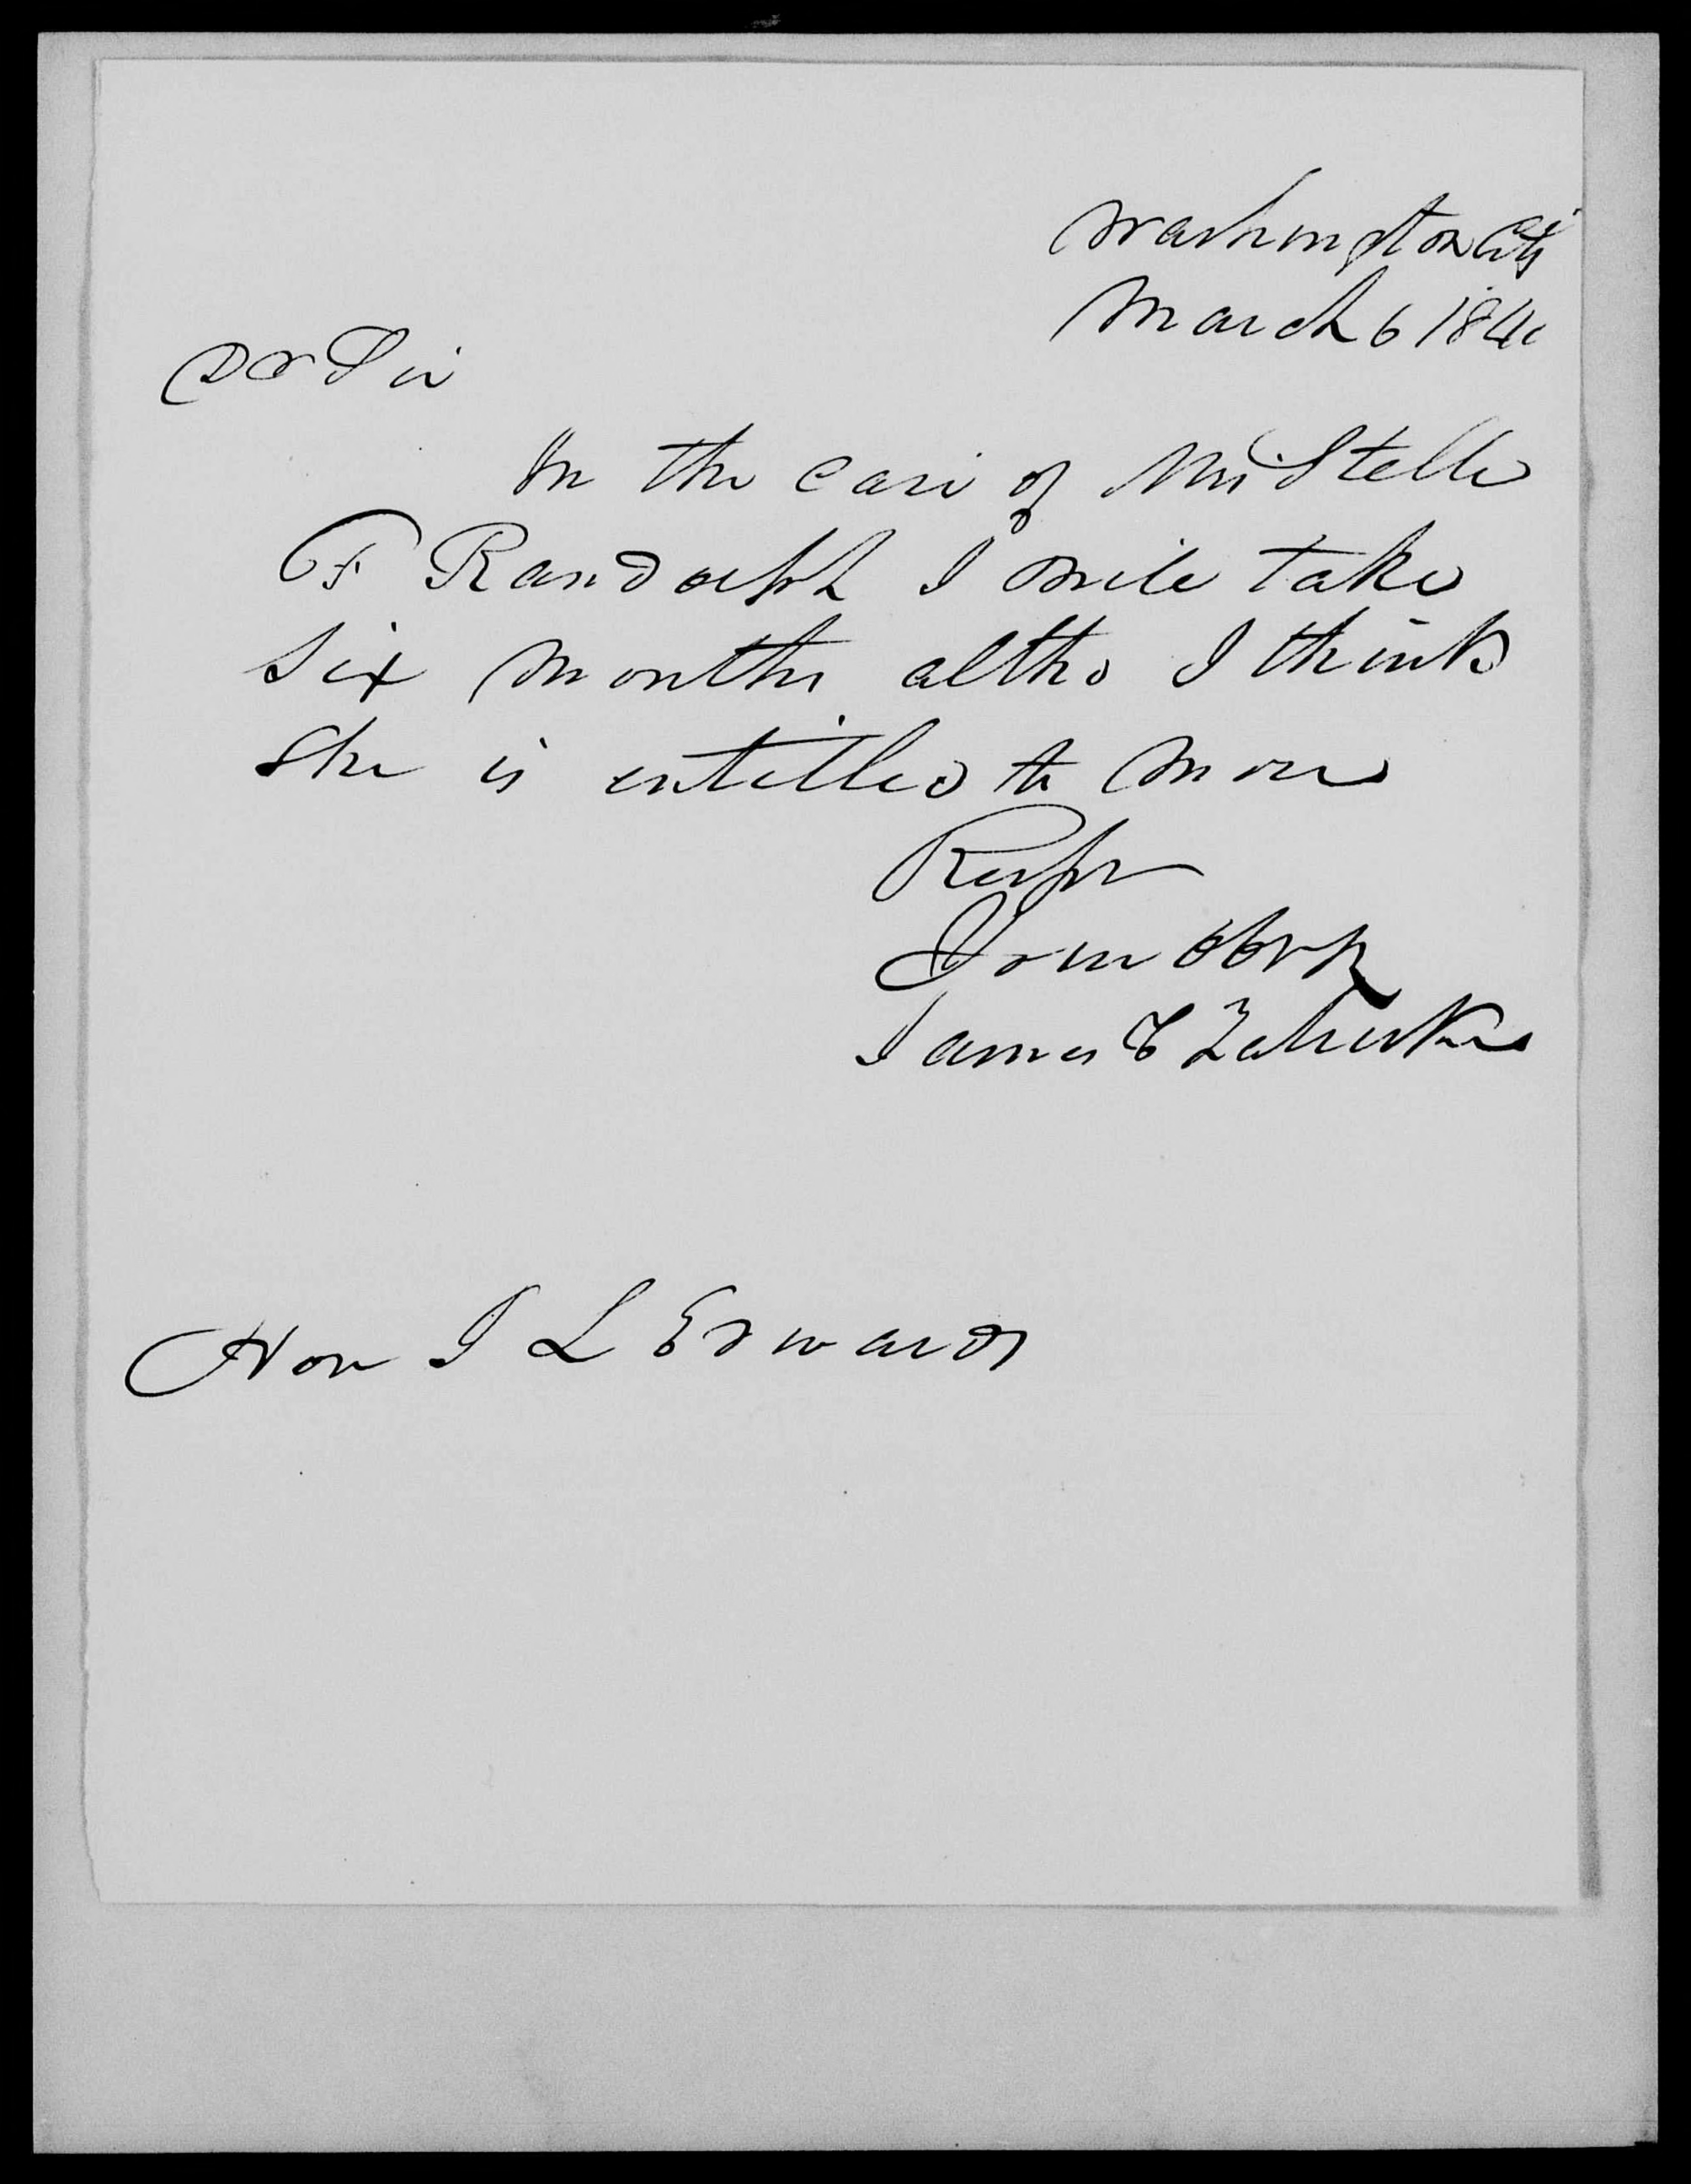Washington City
March 6 1840

Dr Sir

In the care of Mrs. Stelle F. Randolph I will take six months altho I think she is entitled to more

Resp
Your obsvt
James T. [illegible]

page: 21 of 33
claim: widow's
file: W. 5,665, for Stelle F Randolph, New Jersey